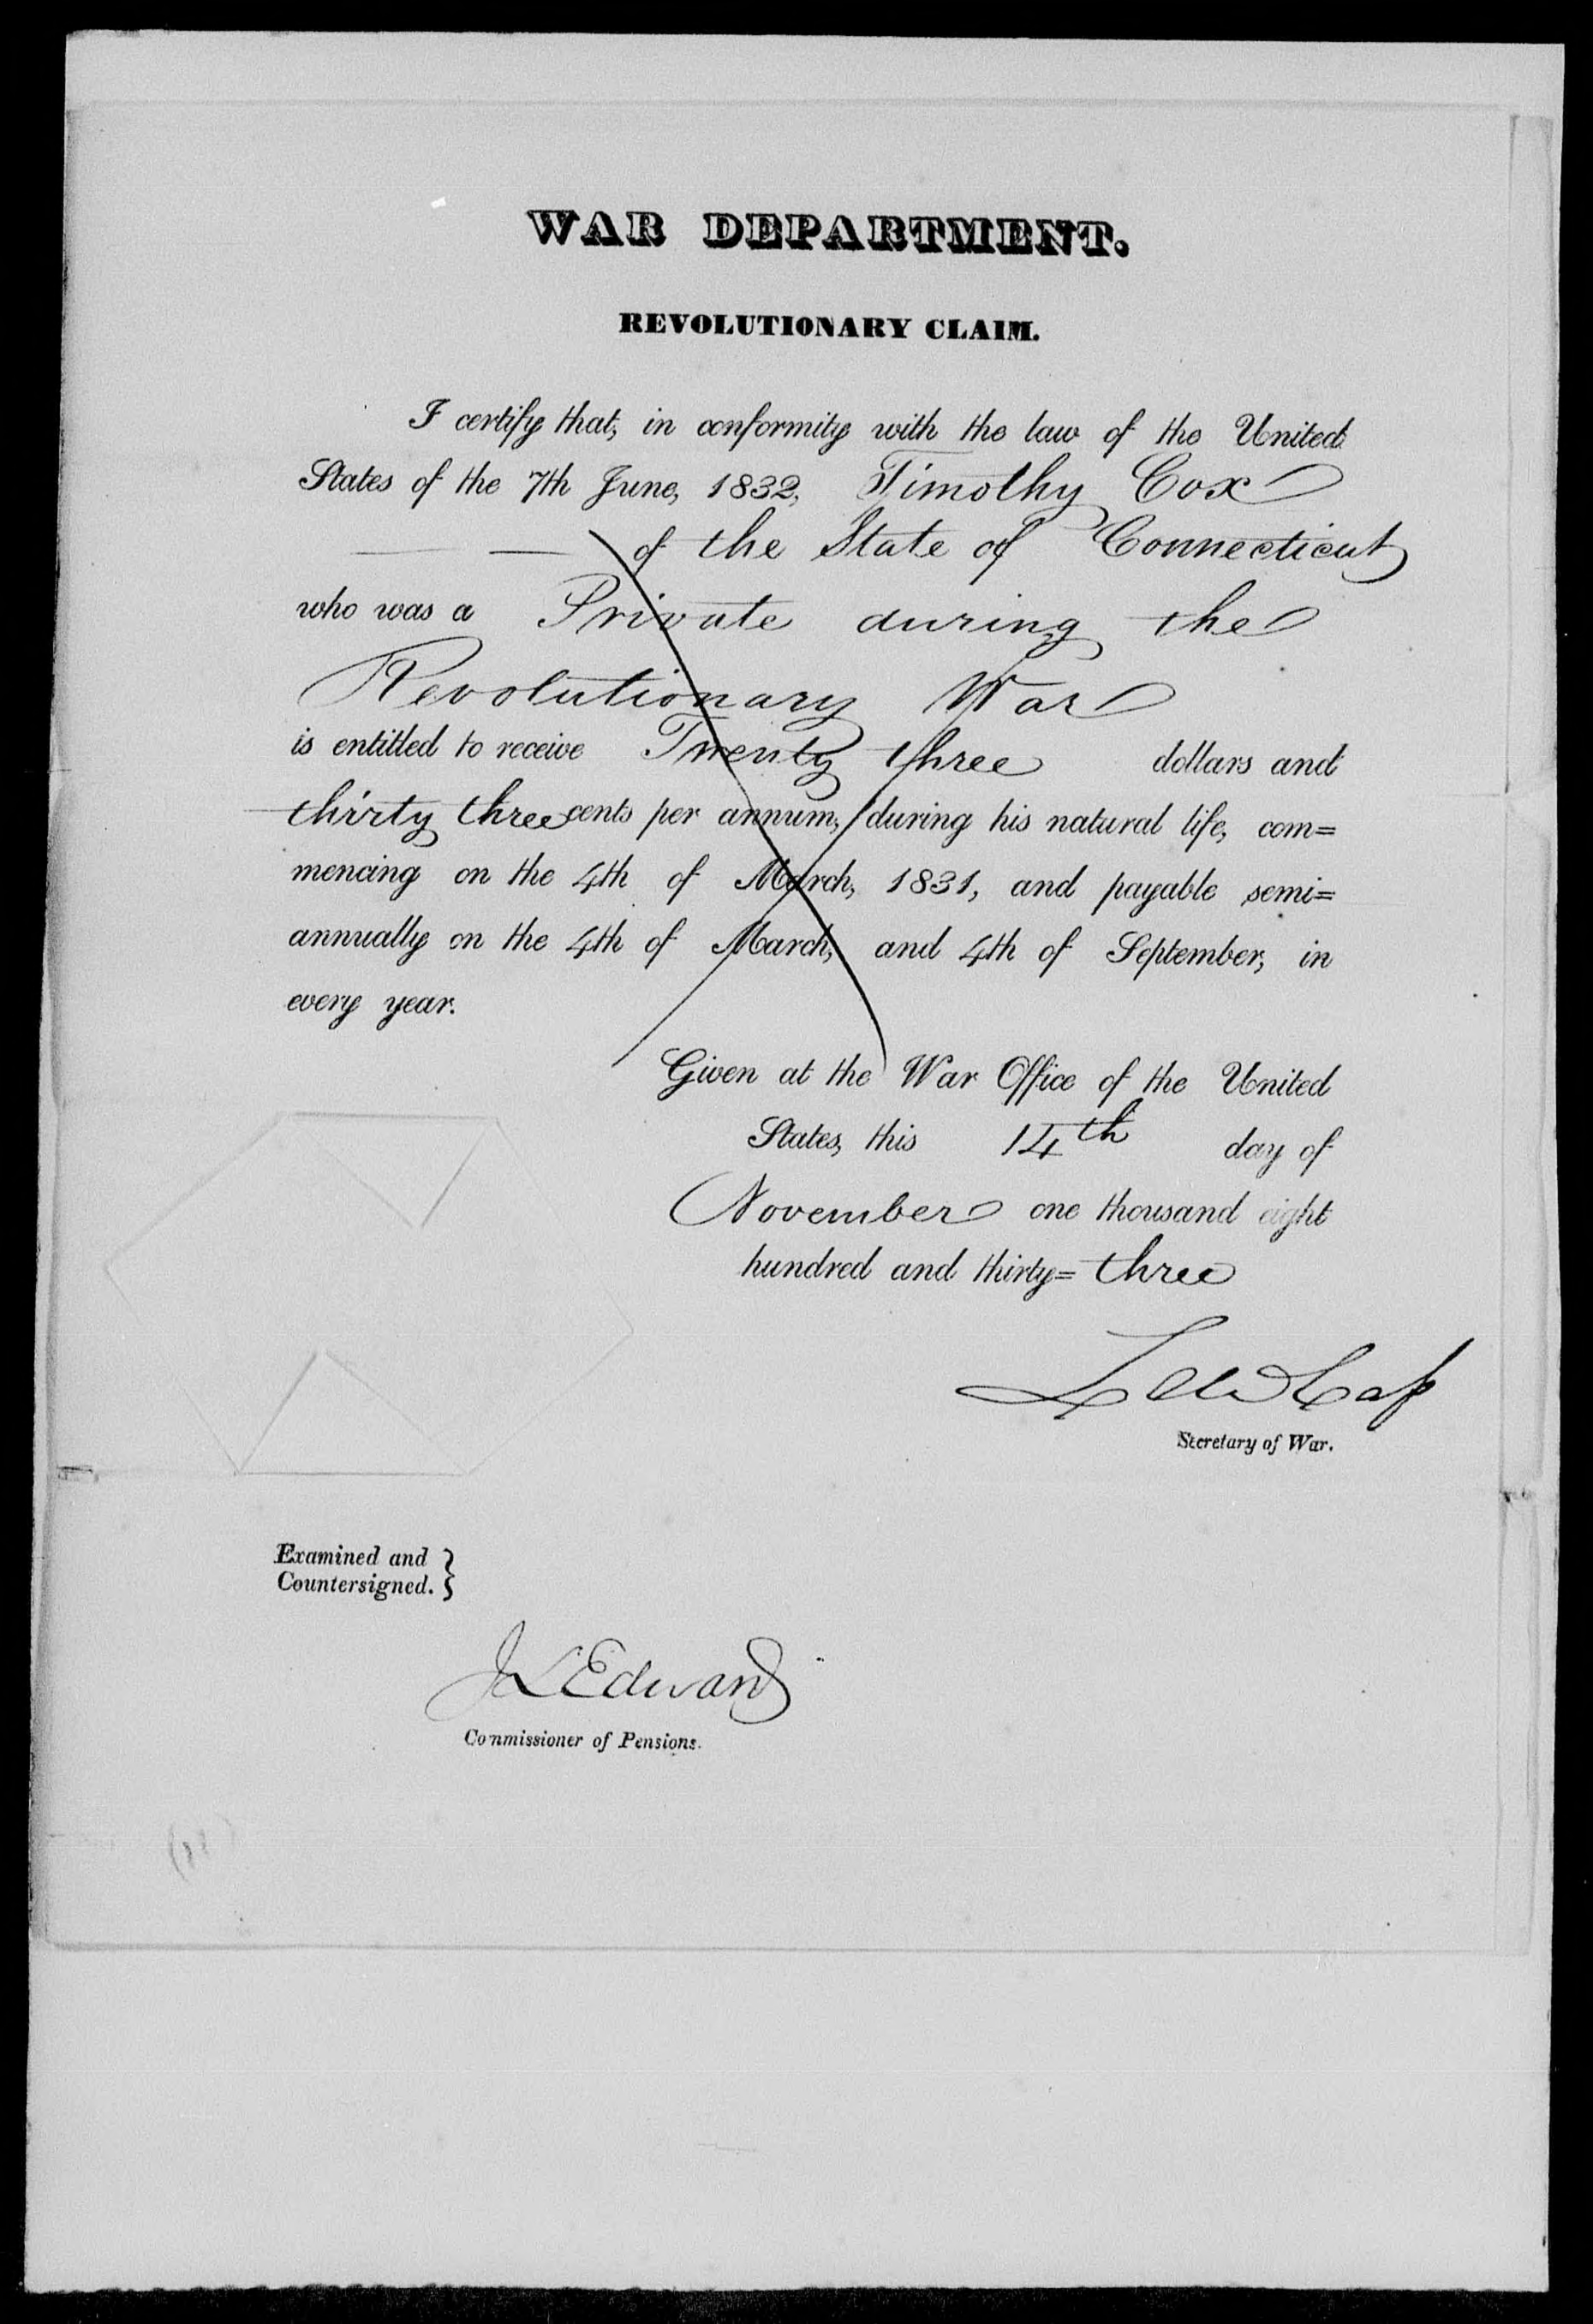REVOLUTIONARY CLAIM

I certify that, in conformity with the law of the United States of the 7th June, 1832, Timothy Coe of the State of Connecticut, who was a Private during the Revolutionary War is entitled to receive Twenty three dollars and thirty three cents per annum, during his natural life, commencing on the 4th of March, 1831, and payable semi annually on the 4th of march, and 4th of September, in every year.

Given at the War Office of the United States, this 14th day of November one thousand eight hundred and thirty three
Lew Cass
Secretary of War

Examined and
Countersigned
J.L. Edwards
Commissioner of Pensions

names: J L Edwards, Lew Cass, Timothy Cox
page: 43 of 76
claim: widow's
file: W. 5,250, Timothy Coe, Conn.